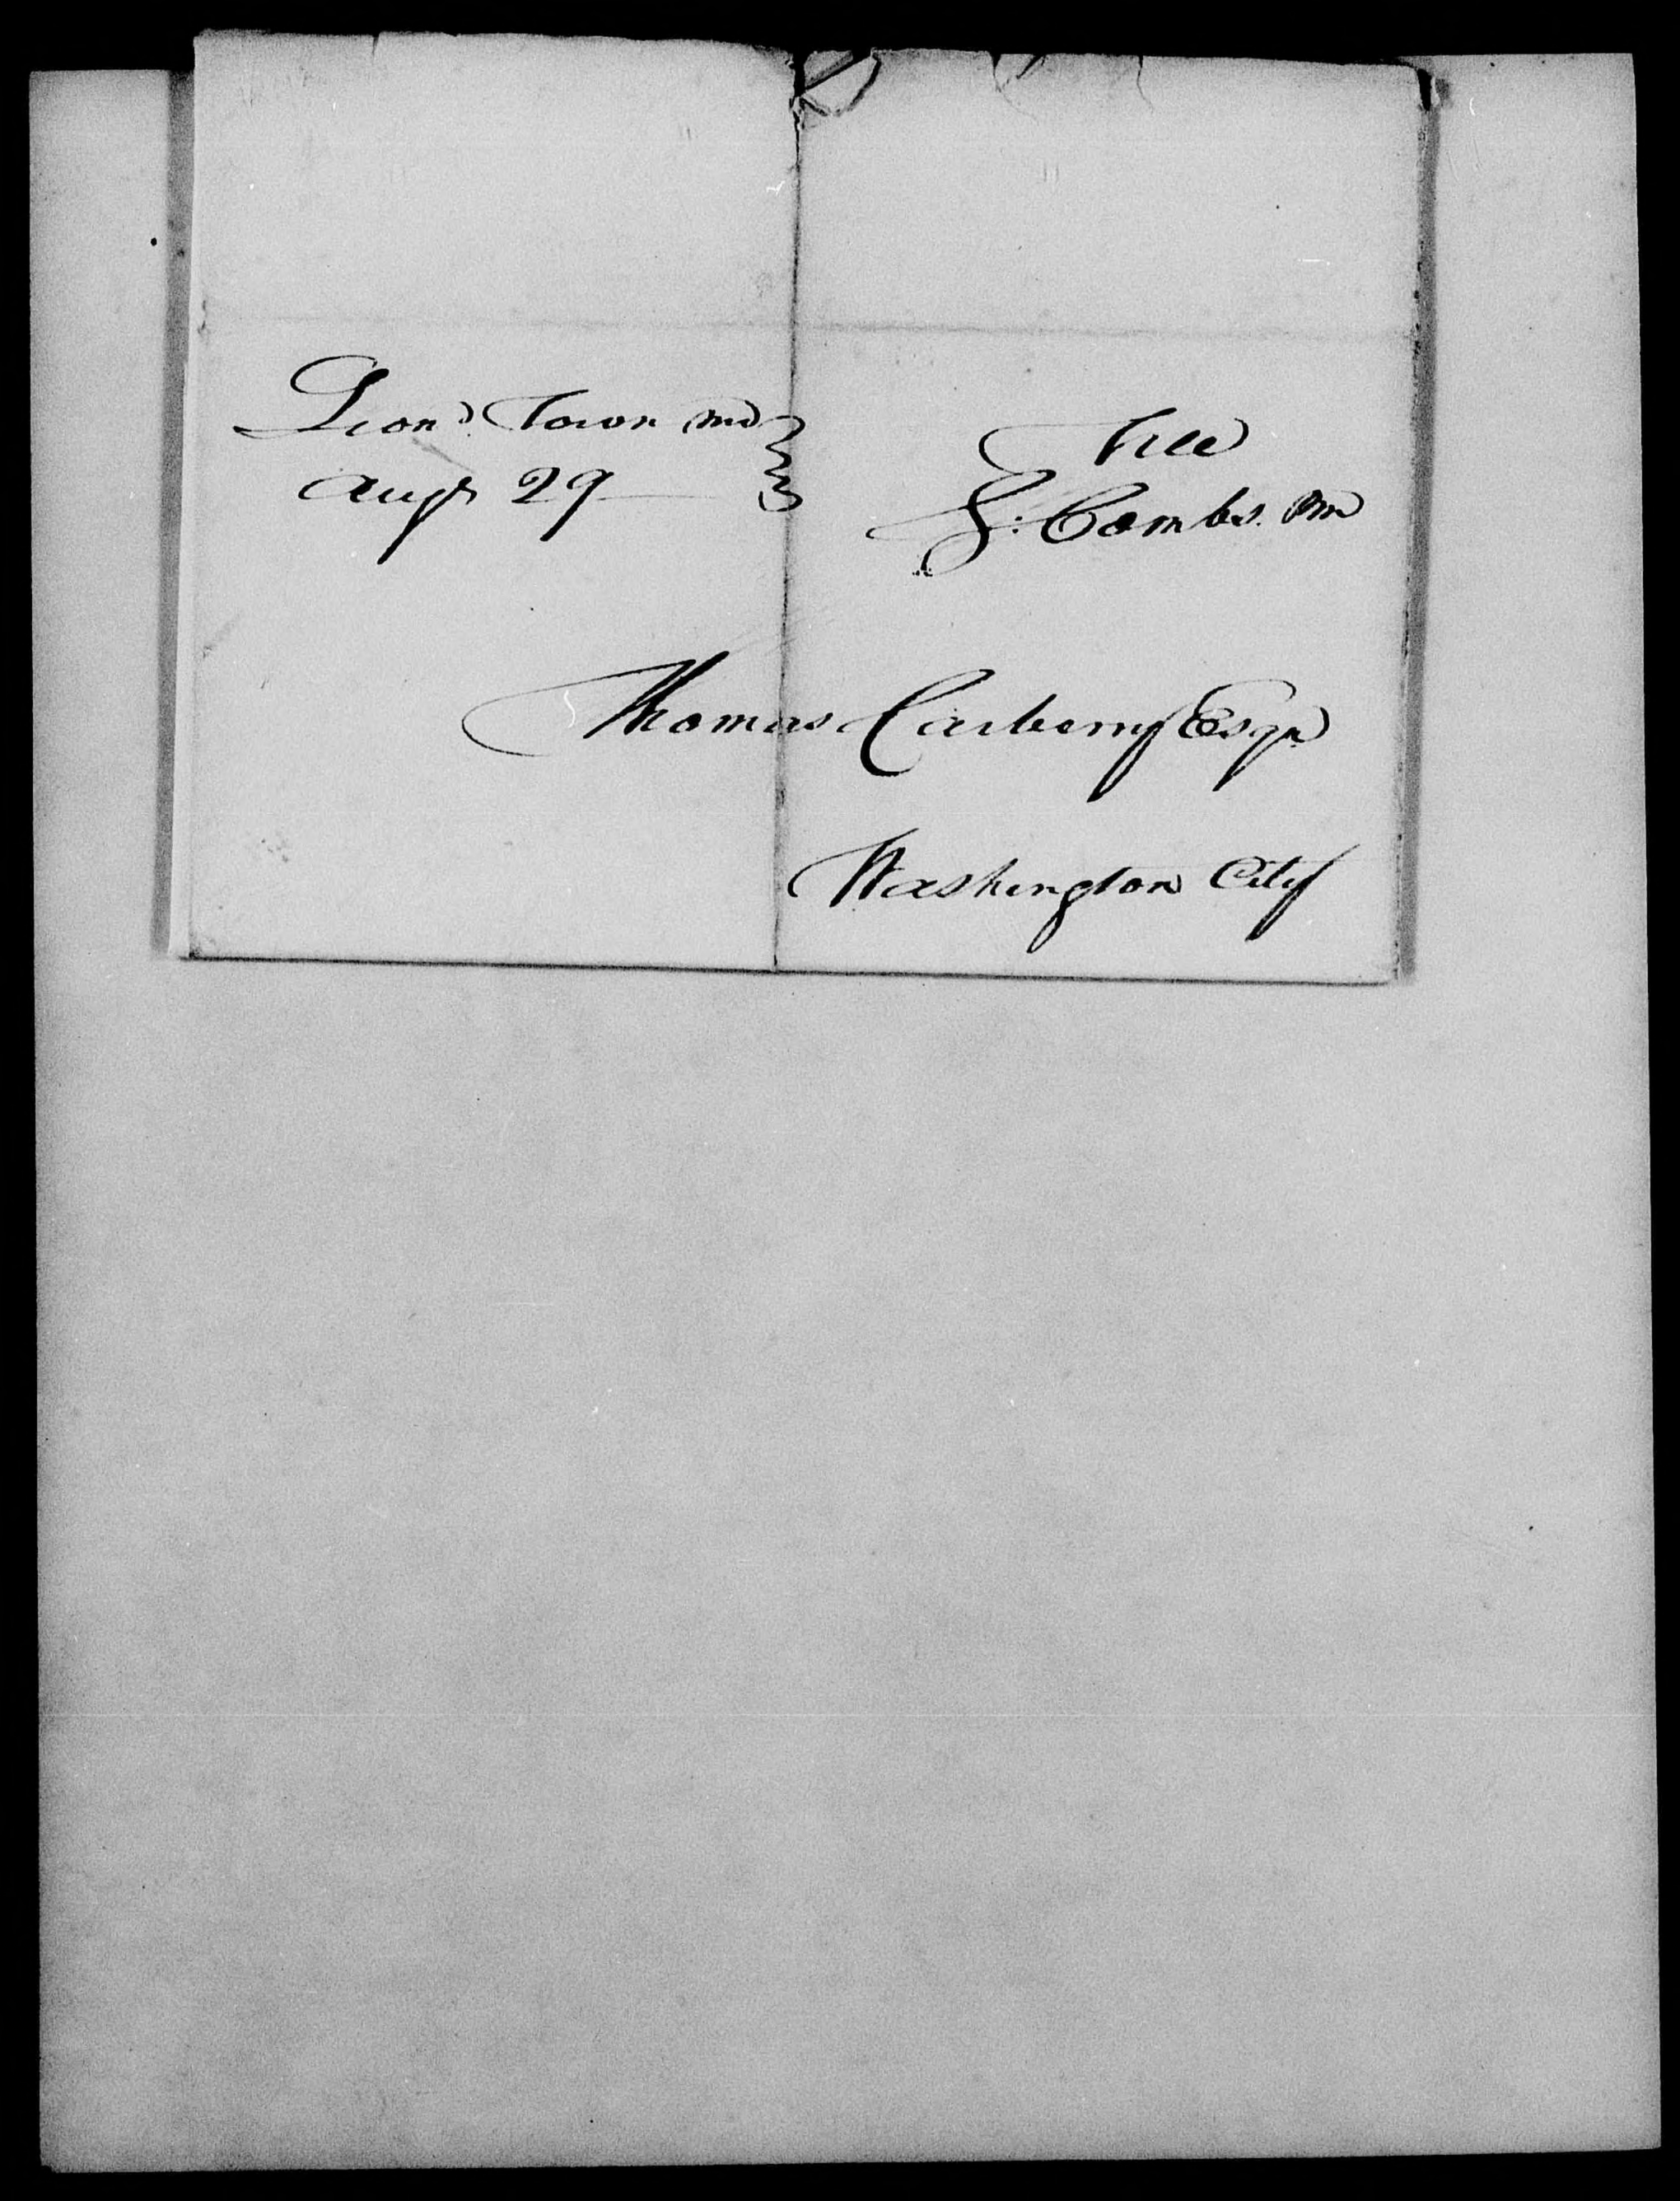Leond Town [Leonardtown] Md}
Augs [August] 29}


{Free
S. Combs PM

Thomas Carberry Esqr [Esquire]
Washington City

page: 12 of 17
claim: survivor's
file: S. 34980, for William Mc Gee, Maryland